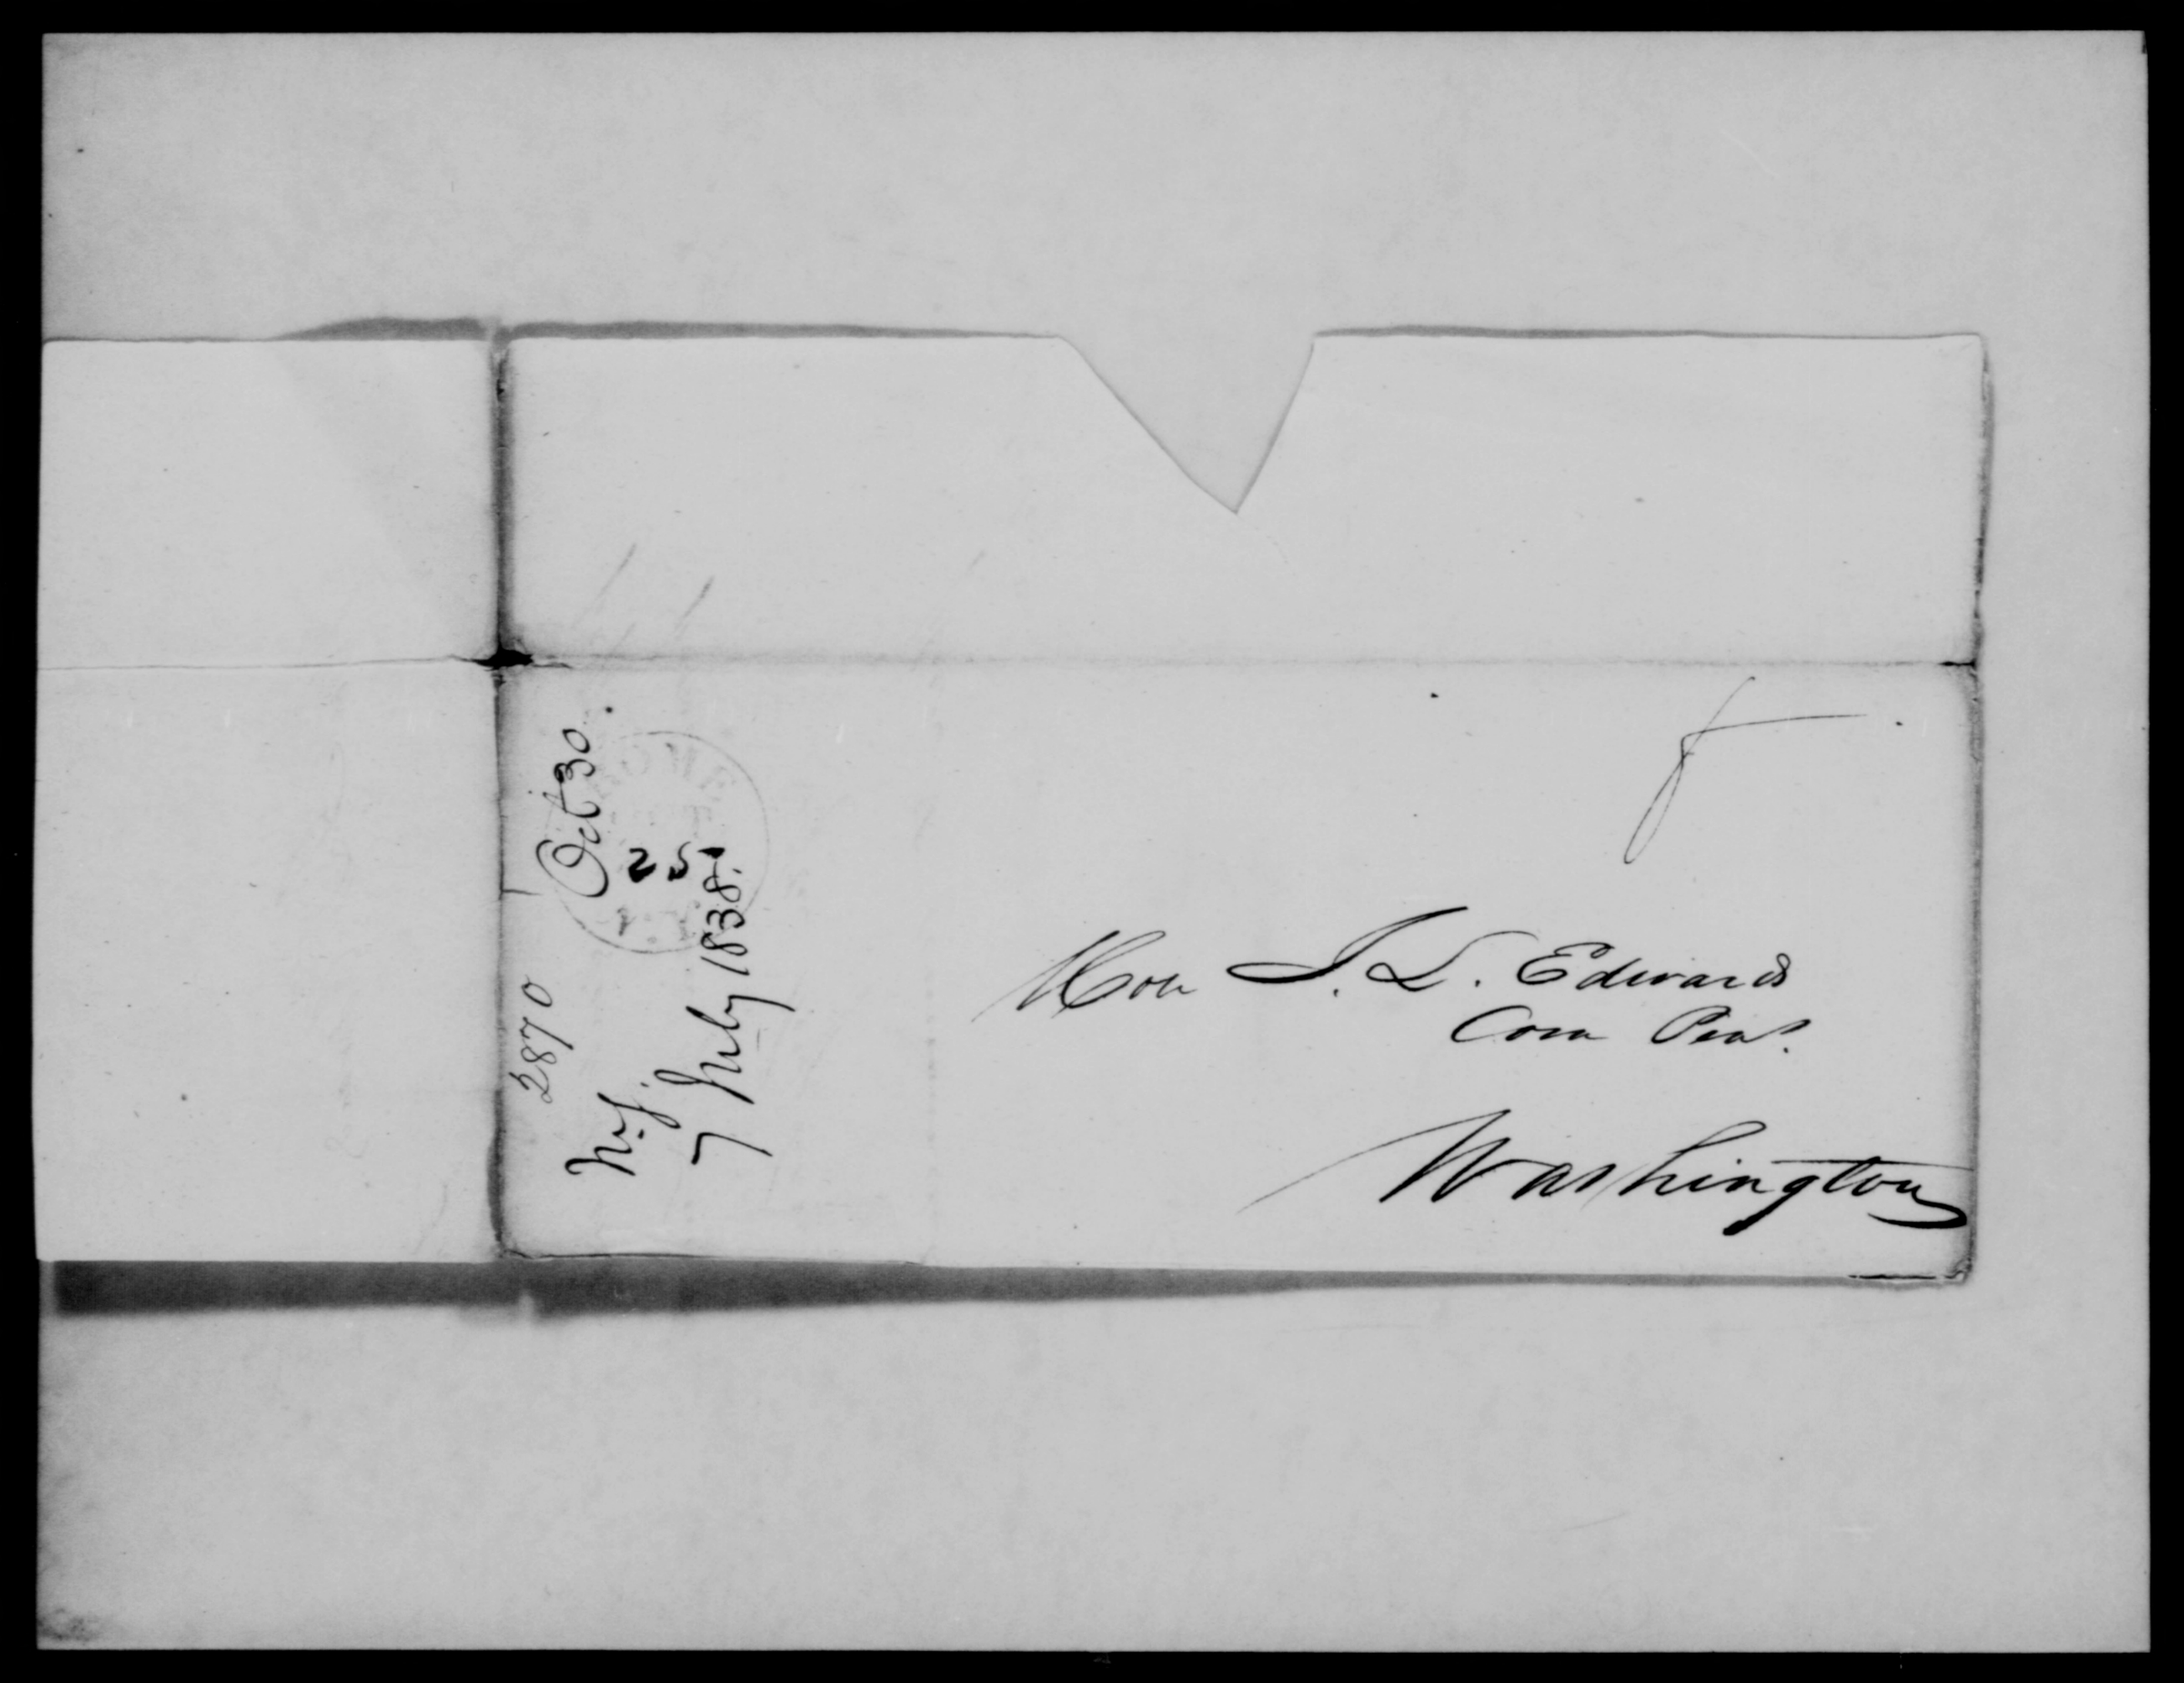2870  Oct 30 N Y
7 July 1838

Hon J. L. Edward Comm Pens
Washington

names: J L Edwards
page: 38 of 63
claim: widow's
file: W. 22,632, David Williams, Conn. Continental Privateer